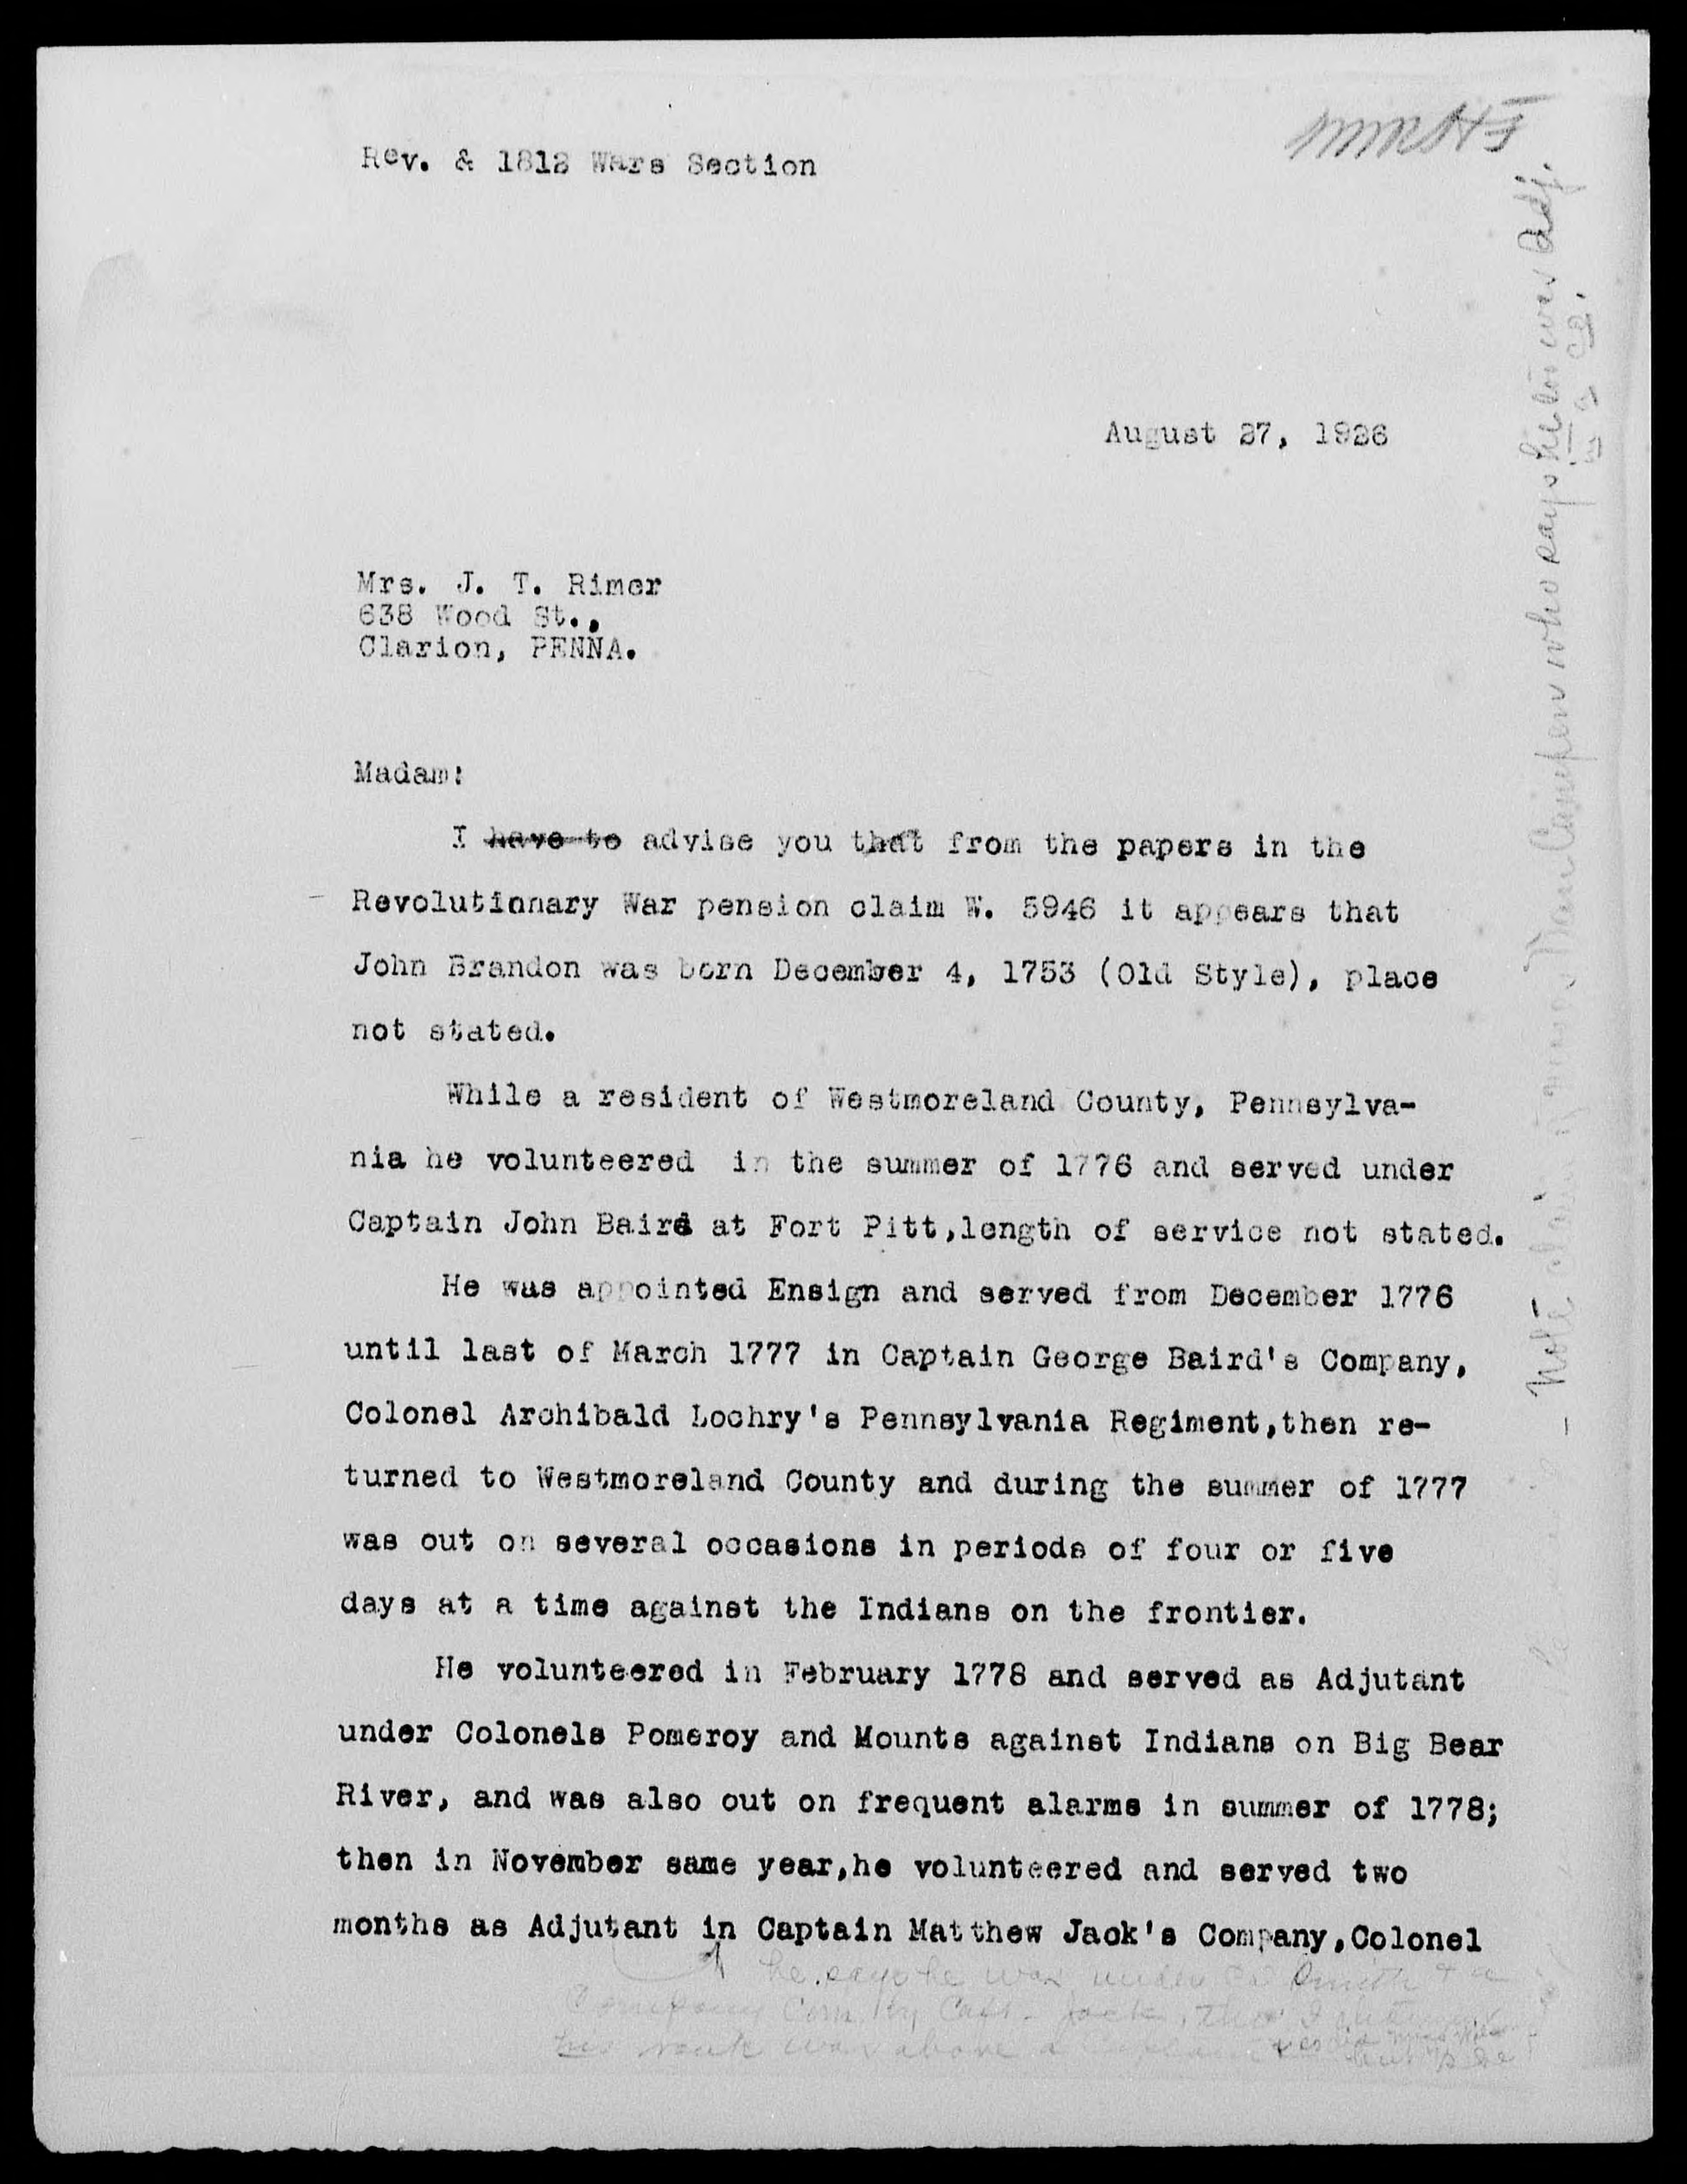[pg 1 of 2]

[handwriting, top right]
MMHF(?)

Rev. & 1812 Wars Section

August 27, 1926

Mrs. J. T. Rimer
638 Wood St.,
Clarion, PENNA.

Madam:
I advise you from the papers in the Revolutionary War pension claim W. 5946 it appears that John Brandon was born December 4, 1753 (Old Style), place not stated.
While a resident of Westmoreland County, Pennsylvania he volunteered in the summer of 1776 and served under Captain John Baird at Fort Pitt, length of service not stated.
He was appointed Ensign and served from December 1776 until last of March 1777 in Captain George Baird's Company, Colonel Archibald Lochry's Pennsylvania Regiment, then returned to Westmoreland County and during the summer of 1777 was out on several occasions in periods of four or five days at a time against the Indians on the frontier.
He volunteered in February 1778 and served as Adjutant under Colones Pomeroy and Mounts against Indians on Big Bear River, and was also out on frequent alarms in summer of 1778; then in November same year, he volunteered and served two months as Adjutant in Captain Matthew Jack's Company, Colonel

[handwriting, starting bottom & continuing up right margin]
he says he was under Ca Smith & a Company Com. by Capt. Jack, thus I suspect his rank was above a Captain & as did Mrs Wilson but she said [illegible] - Note claim of husb(?) Dan Campen who says he too was Adj. in a co.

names: J T Rimer, Pomeroy, John Brandon, Archibald Lochry, Jack, John Baird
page: 81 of 83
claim: widow's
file: W. 5946, John Brandon, Penn